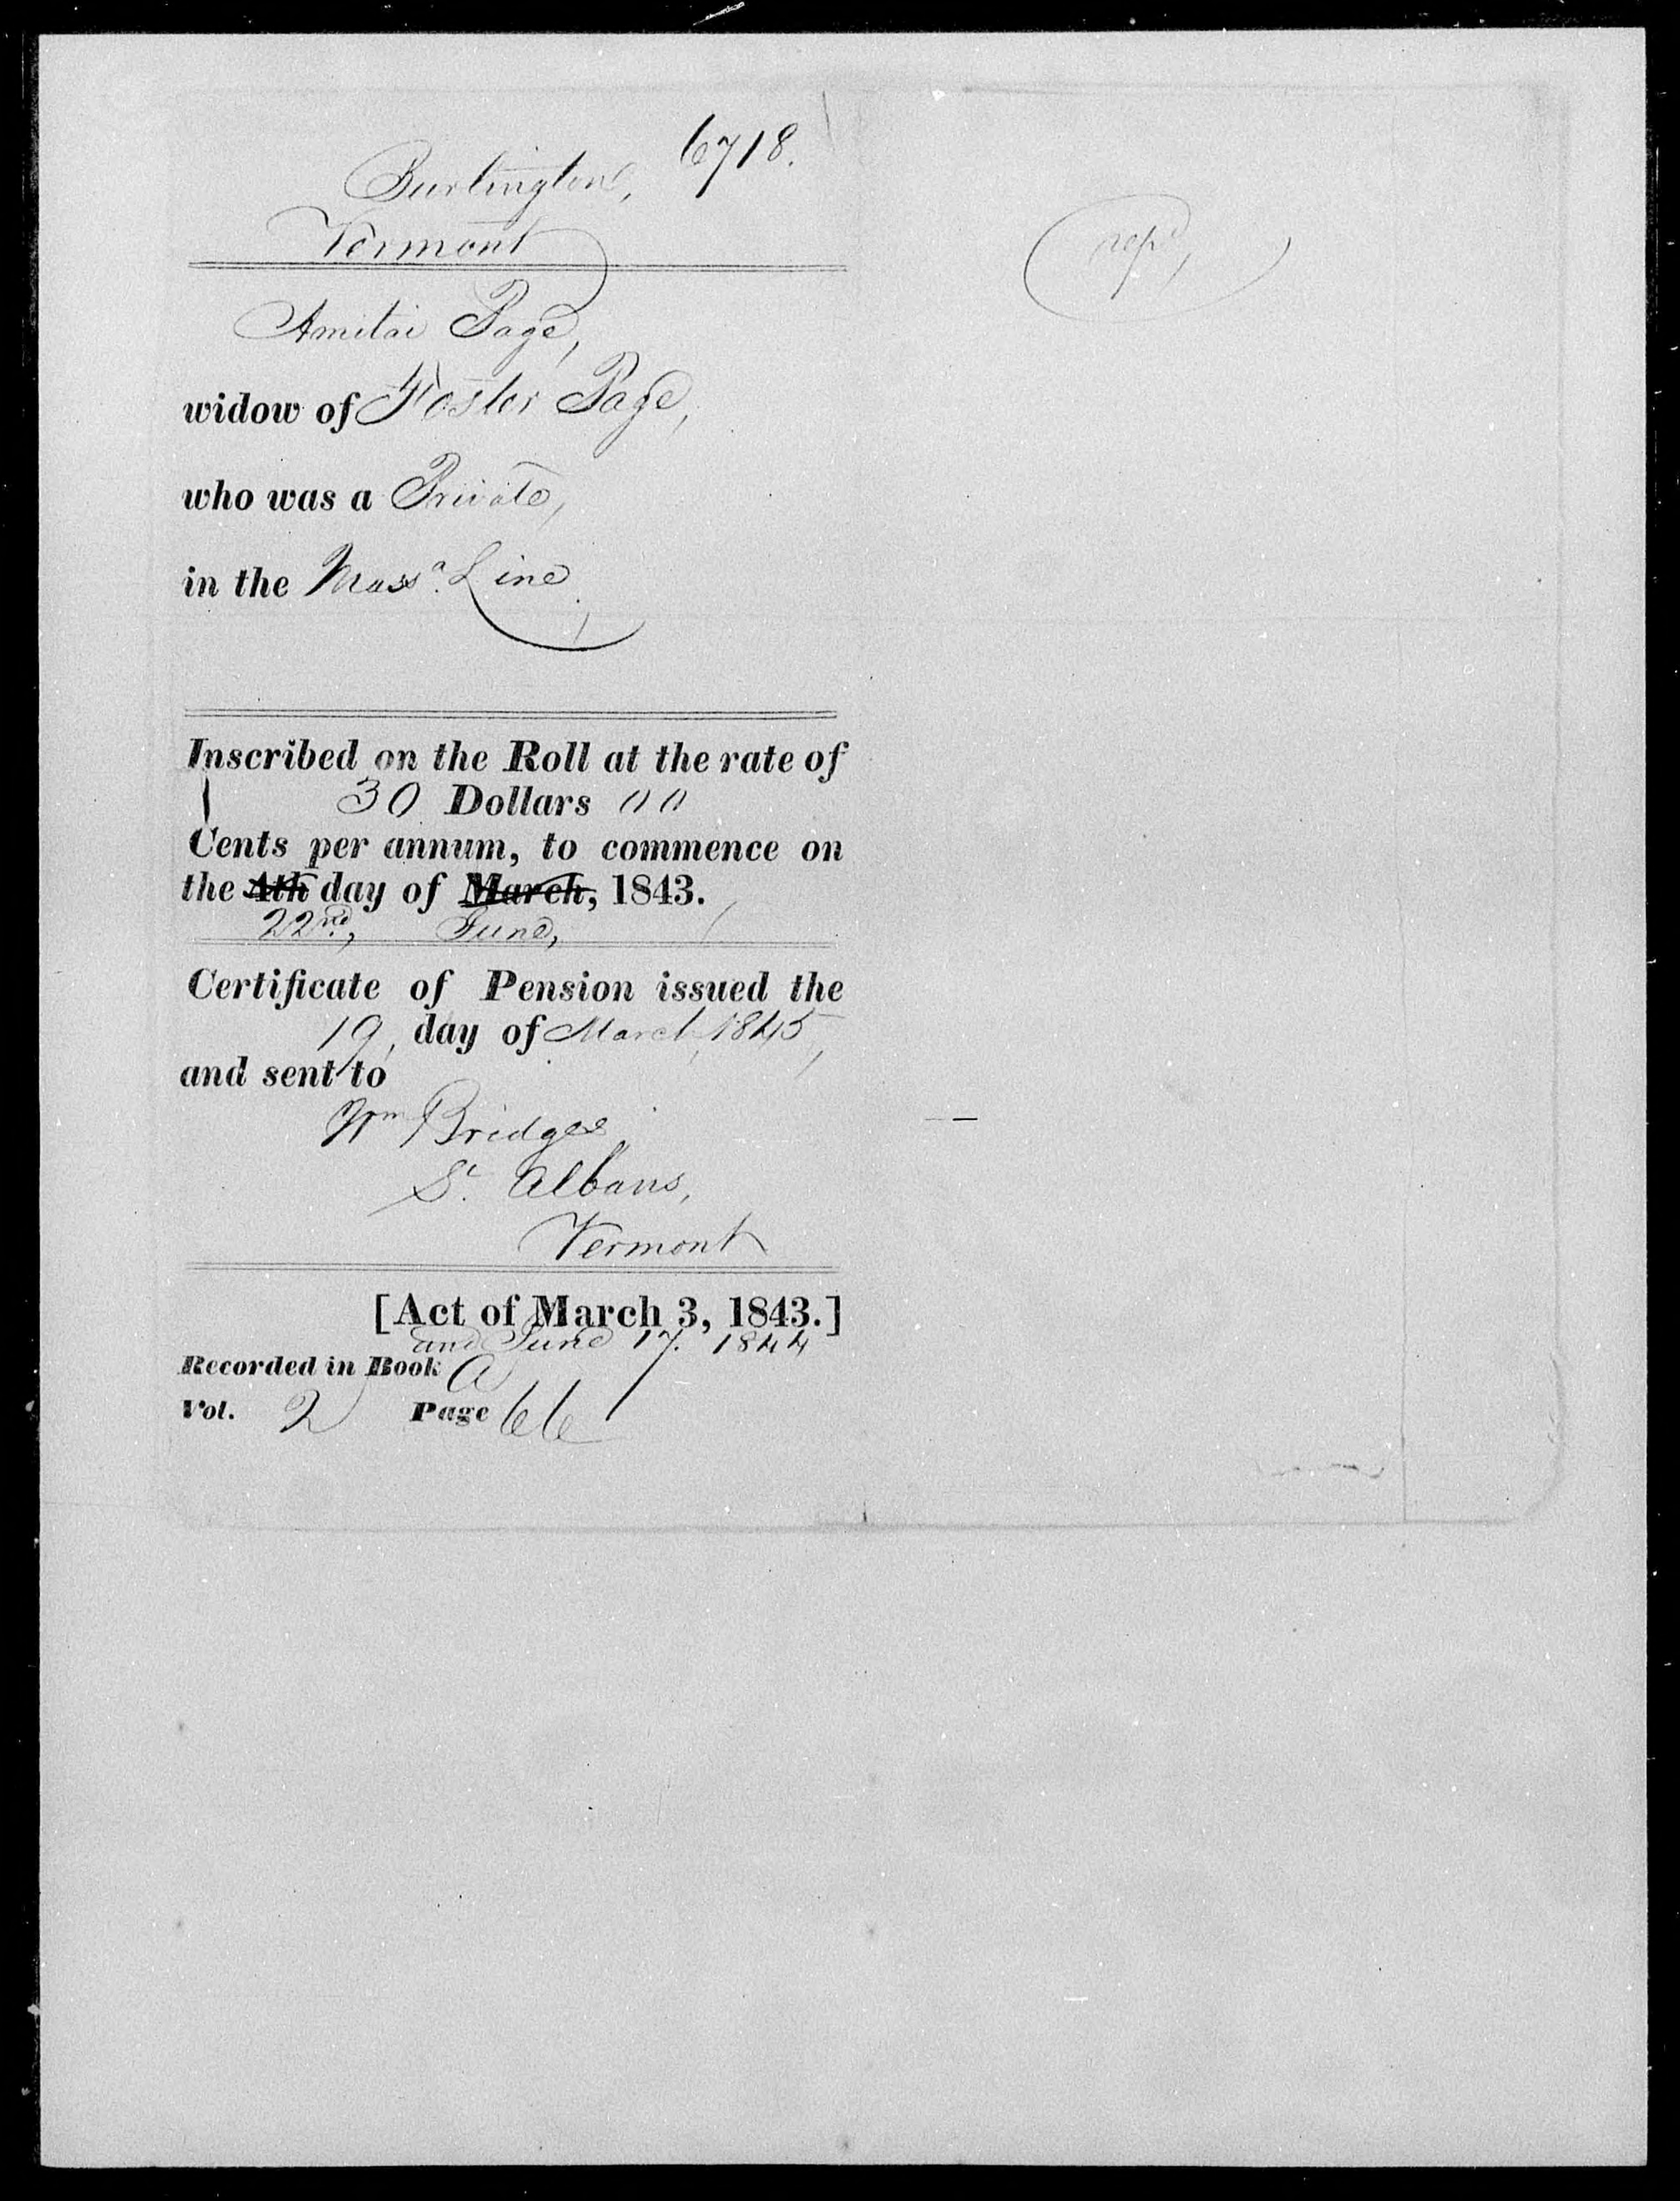6718.
Burlington,
Vermont
Amitai Page,
widow of Foster Page,
who was a Private,
in the Mass. Line.
Inscribed on the Roll at the rate of
30 Dollars 00
Cents per annum, to commence on
the [crossed out 4th] 22nd, day of [crossed out March] June, 1843.
Certificate of Pension issued the
19, day of March 1845
and sent to
Wm Bridges
St. Albans,
Vermont
[Act of March 3, 1843.]
and June 17. 1844
Recorded in Book A
Vol. 2 Page 66
repd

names: Foster Page; Wm Bridges; Amitai Page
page: 24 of 40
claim: widow's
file: W. 15168, for Foster Paige, Massachusetts